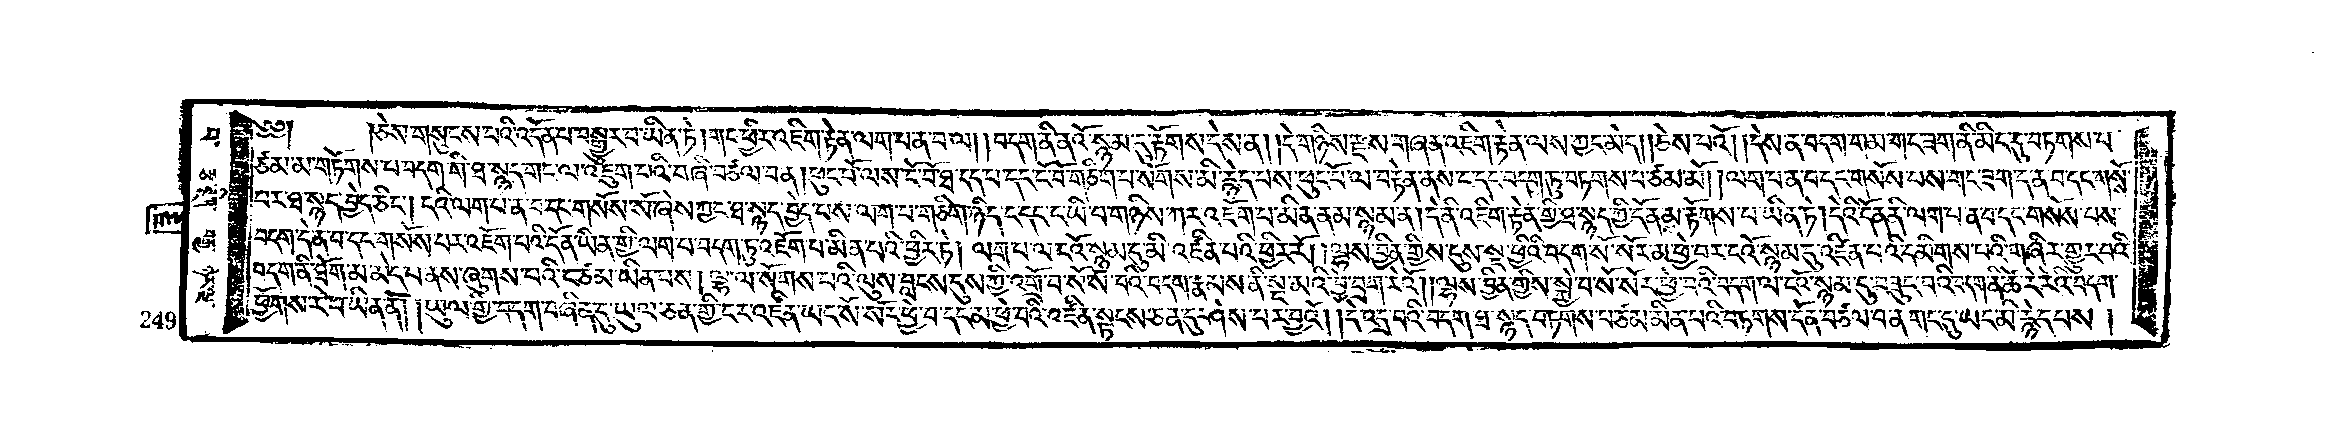༄༅། །ཅེས་གསུངས་པའི་འདོན་པ་བསྒྱུར་བ་ཡིན་ཏེ། གང་ཕྱིར་འཇིག་རྟེན་ལག་པ་ན་བ་ལ། །བདག་ནི་ནའོ་སྙམ་དུ་རྟོགས་དེས་ན། །དེ་གཉིས་རྫས་གཞན་འཇིག་རྟེན་ལས་ཀྱང་མེད། །ཅེས་པའོ། །དེས་ན་བདག་གམ་གང་ཟག་ནི་མིང་དུ་བཏགས་པ་
ཙམ་མ་གཏོགས་པ་བདག་གི་ཐ་སྙད་གང་ལ་འཇུག་པའི་གཞི་བཙལ་བ་ན། ཕུང་པོ་ལས་ངོ་བོ་ཐ་དད་པ་དང་ངོ་བོ་གཅིག་པ་སོགས་མི་རྙེད་པས་ཕུང་པོ་ལ་བརྟེན་ནས་ང་དང་བདག་ཏུ་བཏགས་པ་ཙམ་མོ། །ལག་པ་ན་བ་དང་གསོས་པས་གང་ཟག་དོན་བ་དང་གསོས་
པར་ཐ་སྙད་བྱེད་ཅིང་། ངའི་ལག་པ་ན་བ་དང་གསོས་སོ་ཞེས་ཀྱང་ཐ་སྙད་བྱེད་པས་ལག་པ་གཅིག་ཉིད་ང་དང་ང་ཡི་བ་གཉིས་ཀར་འཇོག་པ་མིན་ནམ་སྙམ་ན། དེ་ནི་འཇིག་རྟེན་གྱི་ཐ་སྙད་ཀྱི་དོན་མ་རྟོགས་པ་ཡིན་ཏེ། དེའི་དོན་ནི་ལག་པ་ན་བ་དང་གསོས་པས་
བདག་དེ་ན་ཐ་དང་གསོས་པར་འཇོག་པའི་དོན་ཡིན་གྱི་ལག་པ་བདག་ཏུ་འཇོག་པ་མིན་པའི་ཕྱིར་ཏེ། ལག་པ་ལ་ངའོ་སྙམ་དུ་མི་འཛིན་པའི་ཕྱིར་རོ། །ལྷས་བྱིན་གྱིས་དུས་སྔ་ཕྱིའི་བདག་སོ་སོར་མ་ཕྱེ་བར་ངའོ་སྙམ་དུ་འཛིན་པའི་དམིགས་པའི་གཞིར་གྱུར་པའི་
བདག་ནི་ཐོག་མ་མེད་པ་ནས་ཞུགས་པའི་ང་ཙམ་ཡིན་པས། ལྷ་ལ་སོགས་པའི་ལུས་བླངས་དུས་ཀྱི་འགྲོ་བ་སོ་སོ་བའི་བདག་རྣམས་ནི་སྔ་མའི་བྱེ་བྲག་རེའོ། །ལྷས་བྱིན་གྱིས་སྐྱེ་བ་སོ་སོར་ཕྱེ་བའི་བདག་ལ་ངའོ་སྙམ་དུ་བཟུང་བའི་བདག་ནི་ཚེ་རེ་རེའི་བདག་
ཕྱོགས་རབ་ཡིན་ནོ། །ཡུལ་གྱི་བདག་བཞིན་དུ་ཡུལ་ཅན་གྱི་ངར་འཛིན་ཡང་སོ་སོར་ཕྱེ་བ་དང་མ་ཕྱེ་བའི་འཛིན་སྟངས་ཅན་དུ་ཤེས་པར་བྱའོ། །དེ་འདྲ་བའི་བདག་ཐ་སྙད་བཏགས་པ་ཙམ་མིན་པའི་བཏགས་དོན་བཙལ་བ་ན་གང་དུ་ཡང་མི་རྙེད་པས།